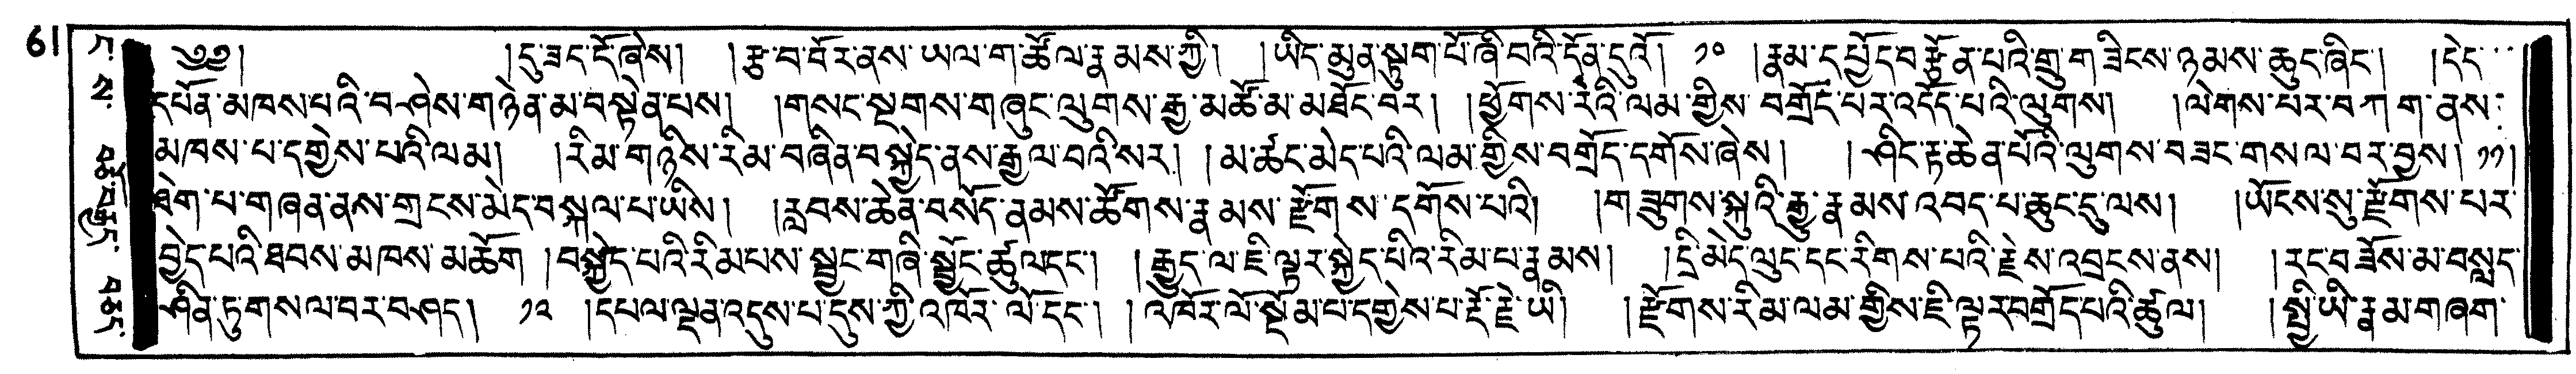༄༅། །དུ་ཟད་དོ་ཞེས། །རྩ་བ་བོར་ནས་ཡལ་ག་ཚོལ་རྣམས་ཀྱི། །ཡིད་མུན་སྟུག་པོ་ཞི་བའི་དོན་དུའོ། ༡༠་།རྣམ་དཔྱོད་བརྩོན་པའི་གྲུ་གཟིངས་ཉམས་ཆུང་ཞིང་། །དེད་
དཔོན་མཁས་པའི་བཤེས་གཉེན་མ་བསྟེན་པས། །གསང་སྔགས་གཞུང་ལུགས་རྒྱ་མཚོ་མ་མཐོང་བར། །ཕྱོགས་རེའི་ལམ་གྱིས་བགྲོད་པར་འདོད་པའི་ལུགས། །ལེགས་པར་བཀག་ནས་
མཁས་པ་དགྱེས་པའི་ལམ། །རིམ་གཉིས་རིམ་བཞིན་བསྐྱེད་ནས་རྒྱལ་བའི་སར། །མ་ཚང་མེད་པའི་ལམ་གྱིས་བགྲོད་དགོས་ཞེས། །ཤིང་རྟ་ཆེན་པོའི་ལུགས་བཟང་གསལ་བར་བྱས། ༡༡་།
ཐེག་པ་གཞན་ནས་གྲངས་མེད་བསྐལ་པ་ཡིས། །རླབས་ཆེན་བསོད་ནམས་ཚོགས་རྣམས་རྫོགས་དགོས་པའི། །གཟུགས་སྐུའི་རྒྱུ་རྣམས་འབད་པ་ཆུང་དུ་ལས། །ཡོངས་སུ་རྫོགས་པ་
བྱེད་པའི་ཐབས་མཁས་མཆོག །བསྐྱེད་པའི་རིམ་པས་སྦྱང་གཞི་སྦྱོང་ཚུལ་དང་། །རྒྱུད་ལ་ཇི་ལྟར་སྐྱེད་པའི་རིམ་པ་རྣམས། །དྲི་མེད་ལུང་དང་རིགས་པའི་རྗེས་འབྲངས་ནས། །རང་བཟོས་མ་བསླད་
ཤིན་ཏུ་གསལ་བར་བཤད། ༡༢་།དཔལ་ལྡན་འདུས་པ་དུས་ཀྱི་འཁོར་ལོ་དང་། །འཁོར་ལོ་སྡོམ་པ་དགྱེས་པ་རྡོ་རྗེ་ཡི། །རྫོགས་རིམ་ལམ་གྱིས་ཇི་ལྟར་བགྲོད་པའི་ཚུལ། །སྤྱི་ཡི་རྣམ་གཞག་